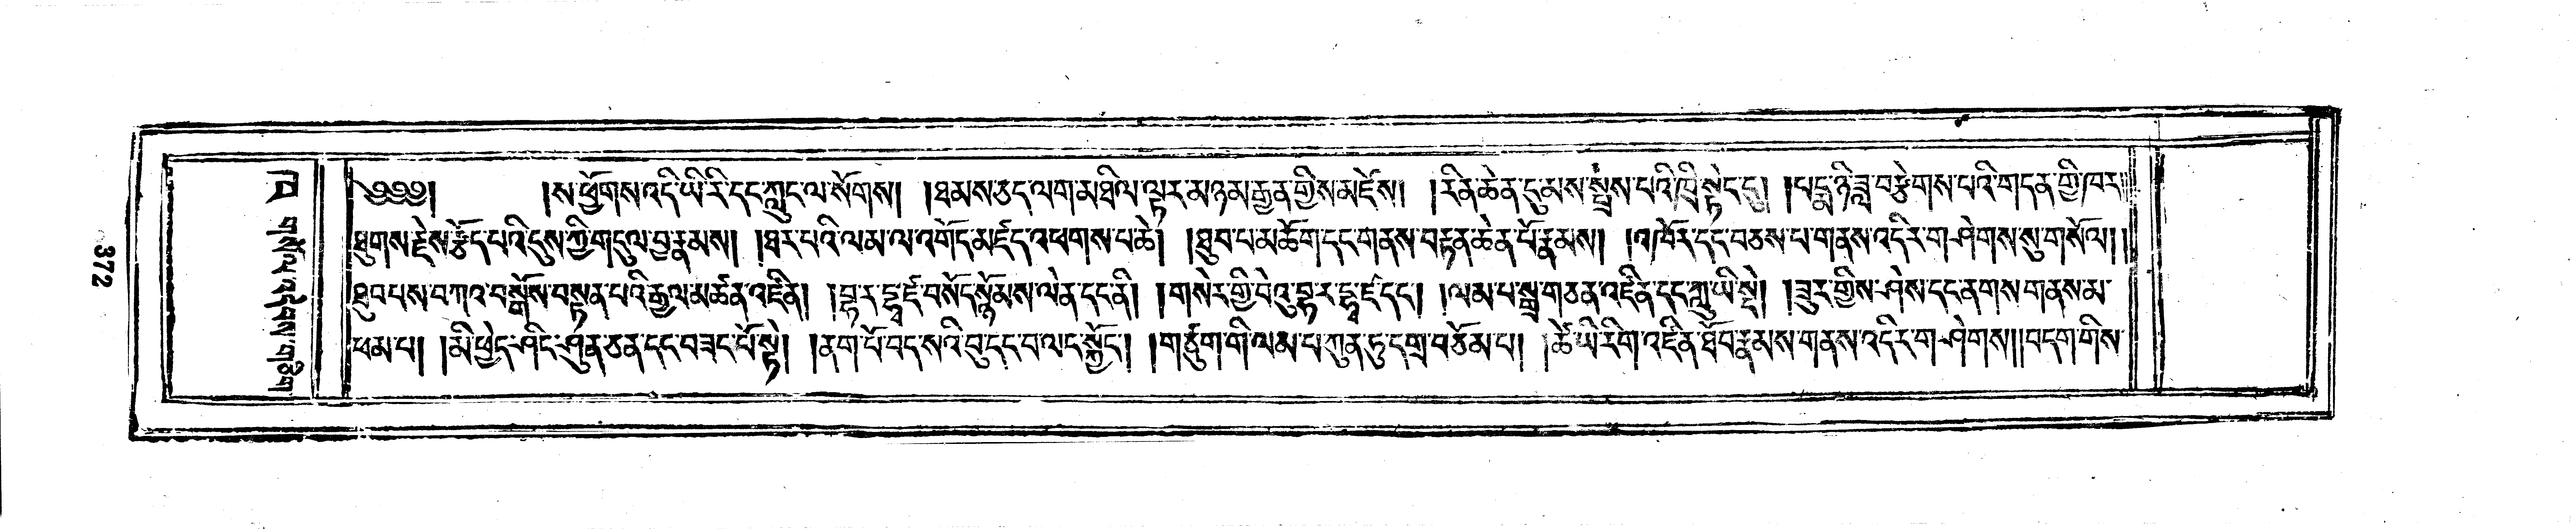༄༅༅། །ས་ཕྱོགས་འདི་ཡི་རི་དང་ཀླུང་ལ་སོགས། །ཐམས་ཅད་ལག་མཐིལ་ལྟར་མཉམ་རྒྱན་གྱིས་མཛེས། །རིན་ཆེན་དུ་མས་སྤྲས་པའི་ཁྲི་སྟེང་དུ། །པདམ་ཉི་ཟླ་བརྩེགས་པའི་གདན་གྱི་ཁར་
ཐུགས་རྗེས་རྩོད་པའི་དུས་ཀྱི་གདུལ་བྱ་རྣམས། །ཐར་པའི་ལམ་ལ་འགོད་མཛད་འཕགས་པ་ཆེ། །ཐུབ་པ་མཆོག་དང་གནས་བརྟན་ཆེན་པོ་རྣམས། །འཁོར་དང་བཅས་པ་གནས་འདིར་གཤེགས་སུ་གསོལ།།
ཐུབ་པས་བཀའ་བསྒོས་བསྟན་པའི་རྒྱལ་མཚན་འཛིན། །བྷ་ར་དྷྭ་ཛ་བསོད་སྙོམས་ལེན་དང་ནི། །གསེར་གྱི་བེའུ་བྷ་ར་དྷྭ་ཛ་དང་། །ལམ་པ་སྒྲ་གཅན་འཛིན་དང་ཀླུ་ཡི་སྡེ། །ཟུར་གྱིས་ཤེས་དང་ནགས་གནས་མ་
ཕམ་པ། །མི་ཕྱེད་ཤིང་ཤུན་ཅན་དང་བཟང་པོ་སྟེ། །ནག་པོ་བད་སའི་བུ་དང་བ་ལང་སྐྱོང་། །གཙུག་གི་ལམ་པ་ཀུན་ཏུ་དགྲ་བཅོམ་པ། །ཚེ་ཡི་རིག་འཛིན་ཐོབ་རྣམས་གནས་འདིར་གཤེགས། །བདག་གིས་